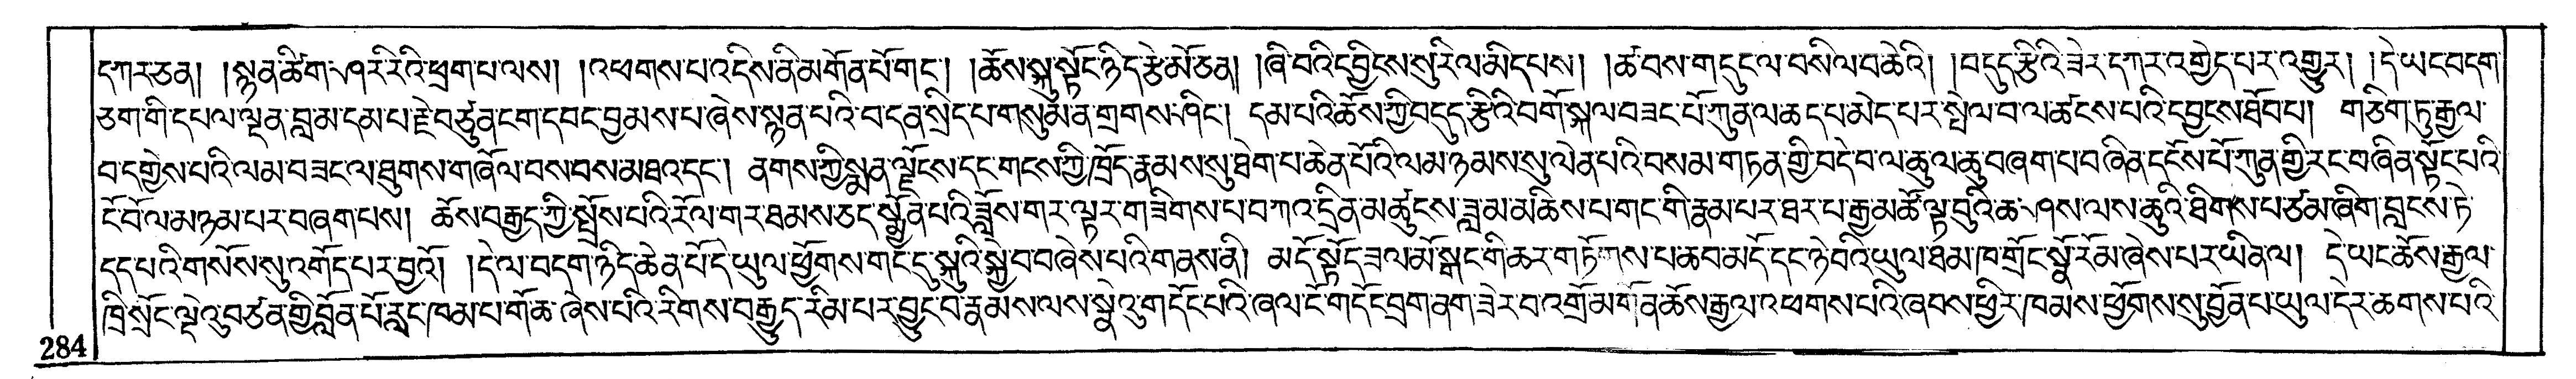དཀར་ཅན། །སྙན་ཚིག་ཤར་རིའི་ཕྲག་པ་ལས། །འཕགས་པ་འདིས་ནི་མགོན་པོ་གང་། །ཆོས་སྐུ་སྟོང་ཉིད་རྩེ་མོ་ཅན། །ཞི་བའི་དབྱིངས་སུ་རིལ་མིང་པས། །ཚ་བས་གདུང་ལ་བསིལ་བ་ཆེའི། །བདུད་རྩིའི་ཟེར་དཀར་འགྱེད་པར་འགྱུར། །དེ་ཡང་བདག་
ཅག་གི་དཔལ་ལྡན་བླ་མ་དམ་པ་རྗེ་བཙུན་ངག་དབང་བྱམས་པ་ཞེས་སྙན་པའི་བ་དན་སྲིད་པ་གསུམ་ན་གྲགས་ཤིང་། དམ་པའི་ཆོས་ཀྱི་བདུད་རྩིའི་བགོ་སྐལ་བཟང་པོ་ཀུན་ལ་ཆད་པ་མེད་པར་སྤེལ་བ་ལ་ཚངས་པའི་དབྱངས་ཐོབ་པ། གཅིག་ཏུ་རྒྱལ་
བ་དགྱེས་པའི་ལམ་བཟང་ལ་ཐུགས་གཞོལ་བས་བས་མཐའ་དང་། ནགས་ཀྱི་སྨན་ལྗོངས་དང་གངས་ཀྱི་ཁྲོད་རྣམས་སུ་ཐེག་པ་ཆེན་པོའི་ལམ་ཉམས་སུ་ལེན་པའི་བསམ་གཏན་གྱི་བདེ་བ་ལ་ཆུ་ལ་ཆུ་བཞག་པ་བཞིན་དངོས་པོ་ཀུན་གྱི་རང་བཞིན་སྟོང་པའི་
ངོ་བོ་ལ་མཉམ་པར་བཞག་པས། ཆོས་བརྒྱད་ཀྱི་སྤྲོས་པའི་རོལ་གར་ཐམས་ཅད་སྨྱོན་པའི་ཟློས་གར་ལྟར་གཟིགས་པ་བཀའ་དྲིན་མཚུངས་ཟླ་མ་མཆིས་པ་གང་གི་རྣམ་པར་ཐར་པ་རྒྱ་མཚོ་ལྟ་བུའི་ཆ་ཤས་ལས་ཆུའི་ཐིགས་པ་ཙམ་ཞིག་བླངས་ཏེ་
དད་པའི་གསོས་སུ་འགོད་པར་བྱའོ། །དེ་ལ་བདག་ཉིད་ཆེན་པོ་དེ་ཡུལ་ཕྱོགས་གང་དུ་སྐུའི་སྐྱེ་བ་བཞེས་པའི་གནས་ནི། མདོ་སྟོང་ཟལ་མོ་སྒང་གི་ཆར་གཏོགས་པ་ཆབ་མདོ་དང་ཉེ་བའི་ཡུལ་ཐམ་ཁ་གྲོང་སྣོ་རོམ་ཞེས་པར་ཡིན་ལ། དེ་ཡང་ཆོས་རྒྱལ་
ཁྲི་སྲོང་ལྡེའུ་བཙན་གྱི་བློན་པོ་རླང་ཁམ་པ་གོ་ཆ་ཞེས་པའི་རིགས་པ་རྒྱུད་རིམ་པར་བྱུང་བ་རྣམས་ལས་སྣེའུ་གདོང་པའི་ཞལ་ངོ་གདོང་བྲག་ནག་ཟེར་བ་འགྲོ་མགོན་ཆོས་རྒྱལ་འཕགས་པའི་ཞབས་ཕྱིར་ཁམས་ཕྱོགས་སུ་བྱོན་པ་ཡུལ་དེར་ཆགས་པའི་